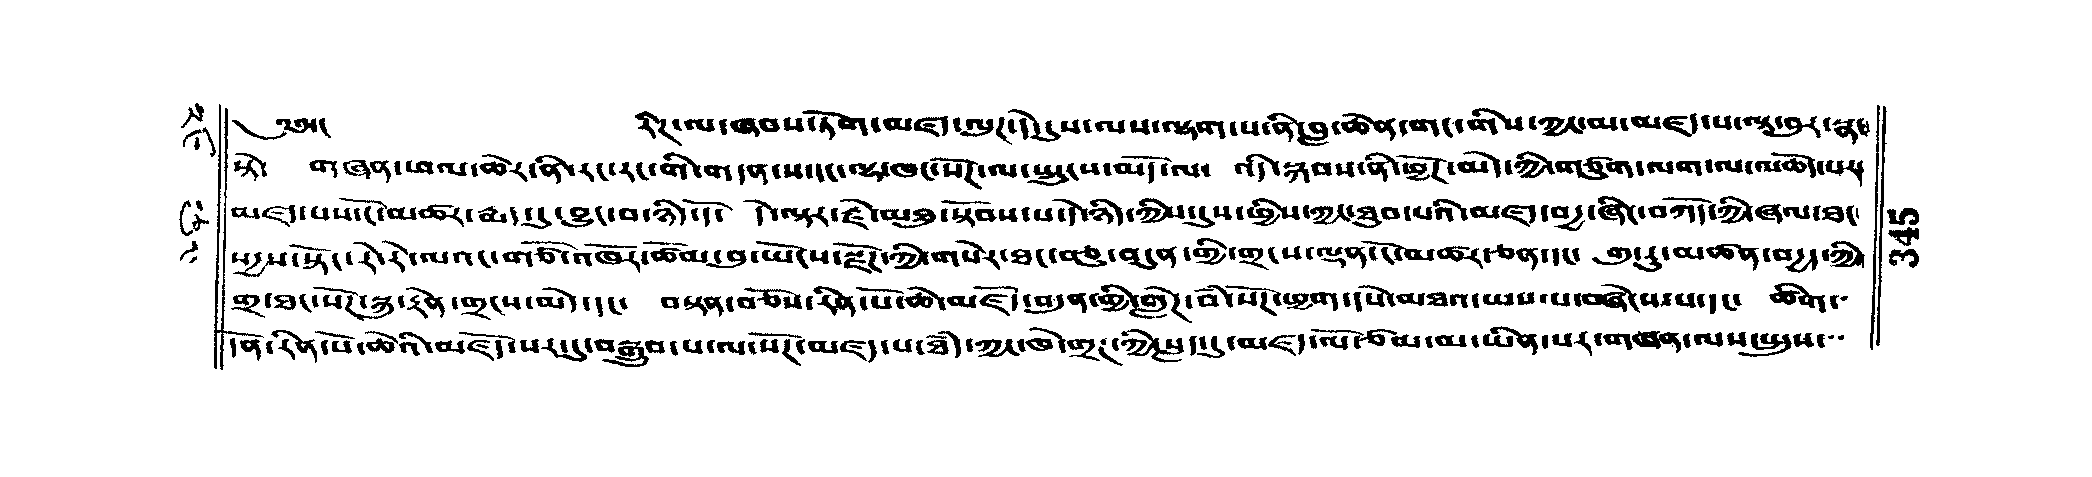རིགས་ལ་ཞབས་ཏོག་མཛད་ལུགས་དེ་དུས་ལས་ལྷག་པ་ནི་བླ་ཆེན་གང་གིས་ཀྱང་མ་མཛད་པ་ལྟ་བུར་སྣང་
སྟེ།གཞན་ཕལ་ཆེར་ནི་རང་རང་གི་གདན་ས་དང་ལྷ་ཁང་སོགས་ལ་སྤུངས་མོད་ལ། འདི་སྐབས་ནི་ཕྱོགས་མེད་ཀྱི་གཙུག་ལག་ལ་མཆོད་པར་
མཛད་པས་ངོ་མཚར་རྨད་དུ་བྱུང་བ་ཉིད་དོ། དེ་ལྟར་རྗེ་མཐུ་སྟོབས་པ་དེ་ཉིད་ཀྱིས་དུས་ཕྱིས་ཀྱང་ཐུབ་པའི་མཛད་བརྒྱ་ཞིང་བཀོད་ཀྱི་ཞལ་ཐང་
སངས་རྒྱས་སྟོང་རེ་རེ་ལའང་གཙོ་འཁོར་ཚོམ་བུ་ཡོངས་རྫོགས་ཀྱི་གསེར་ཐང་བཅུ་བདུན་གྱི་གྲངས་ལྡན་ངོ་མཚར་ཅན་དང་། གུ་རུ་མཚན་བརྒྱད་ཀྱི་
གྲ་ཐང་སོགས་སྐུ་རྟེན་གྲངས་མེད་དང་། བསྟན་བཅོས་རིན་པོ་ཆེ་མཛོད་བདུན་གྱི་གླེགས་བམ་སོགས་ཕྱག་དཔེ་མཐའ་ཡས་པ་བཞེངས་པ་དང་། ཚིག་
དོན་རིན་པོ་ཆེའི་མཛོད་པར་དུ་བསྒྲུབ་པ་ལ་སོགས་མཛད་པ་ཐམས་ཅད་ཀྱང་ཁེ་གྲགས་ཀྱི་སླད་དུ་མཛད་ལོ་ཙམ་མ་ཡིན་པར་གཞན་ལས་སྤུས་